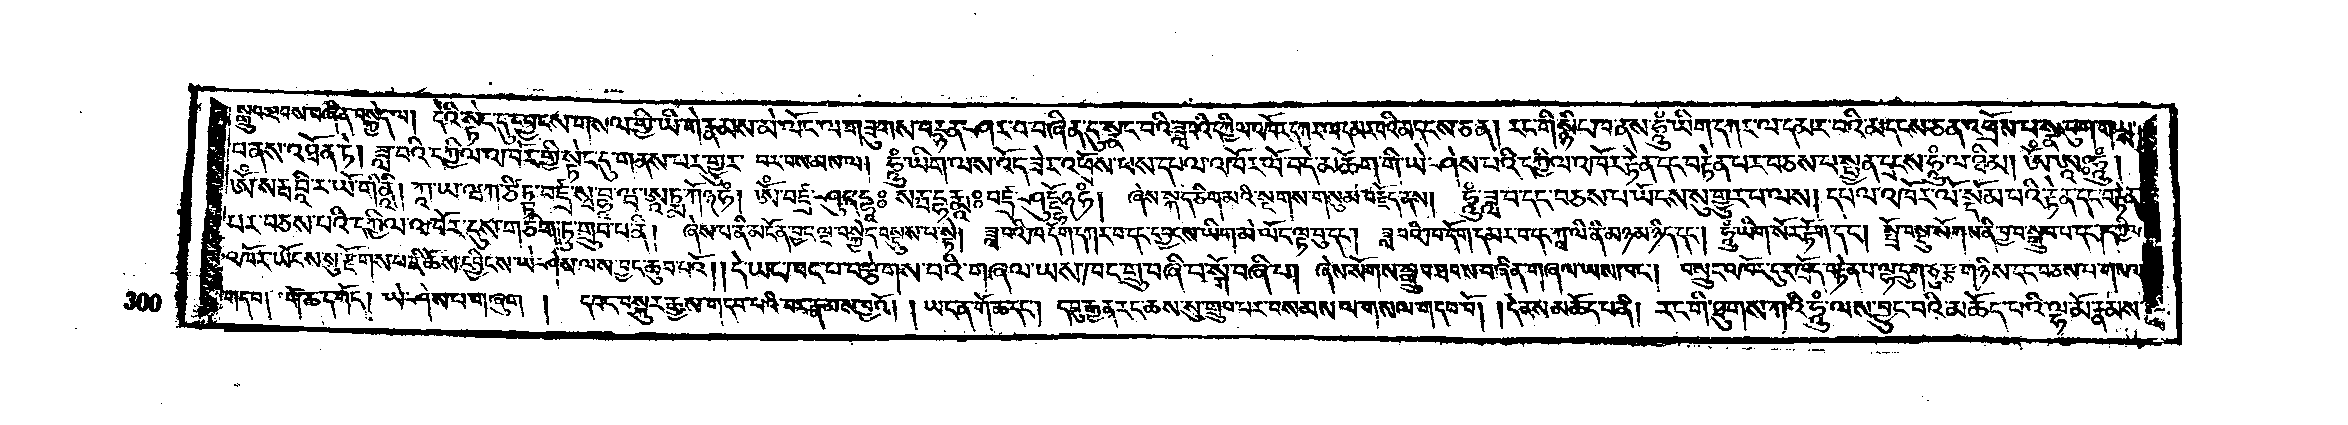སྒྲུབ་ཐབས་བཞིན་བསྐྱེད་ལ། དེའི་སྟེང་དུ་དབྱངས་གསལ་གྱི་ཡི་གེ་རྣམས་མེ་ལོང་ལ་གཟུགས་བརྙན་ཤར་བ་བཞིན་དུ་སྣང་བའི་ཟླ་བའི་དཀྱིལ་འཁོར་དཀར་ལ་དམར་བའི་མདངས་ཅན། རང་གི་སྙིང་ཁ་ནས་ཧཱུཾ་ཡིག་དཀར་ལ་དམར་བའི་མདངས་ཅན་འཕྲོས་པ་སྣ་བུག་གཡས་
པ་ནས་འཐོན་ཏེ། ཟླ་བའི་དཀྱིལ་འཁོར་གྱི་སྟེང་དུ་གནས་པར་གྱུར་པར་བསམས་ལ།  ཧཱུཾ་ཡིག་ལས་འོད་ཟེར་འཕྲོས་པས་དཔལ་འཁོར་ལོ་བདེ་མཆོག་གི་ཡེ་ཤེས་པའི་དཀྱིལ་འཁོར་རྟེན་དང་བརྟེན་པར་བཅས་པ་སྤྱན་དྲངས་ཧཱུཾ་ལ་ཐིམ། ཨོཾ་ཨཱཿ ཧཱུཾ།
ཨོཾ་སརྦ་བཱི་ར་ཡོ་གི་ནཱི། ཀཱ་ཡ་ཝཱ་ཀ་ཙིཏྟ་བཛྲ་སྭ་བྷཱ་ཝ་ཨཱཏྨ་ཀོཉ་ཧཾ། ཨོཾ་བཛྲ་ཤུད་དྷཿ སརྦ་དྷརྨཱཿ བཛྲ་ཤུདྡྷོ་ཉ་ཧཾ། ཞེས་སྐད་ཅིག་མའི་སྔགས་གསུམ་བརྗོད་ནས།  ཧཱུཾ་ཟླ་བ་དང་བཅས་པ་ཡོངས་སུ་གྱུར་པ་ལས། དཔལ་འཁོར་ལོ་སྡོམ་པའི་རྟེན་དང་བརྟེན་
པར་བཅས་པའི་དཀྱིལ་འཁོར་དུས་གཅིག་ཏུ་གྲུབ་པ་ནི། ཞེས་པ་ནི་མངོན་བྱང་ལྔ་བསྐྱེད་བསྡུས་པ་སྟེ། ཟླ་བའི་ཁ་དོག་དཀར་བ་དང་དབྱངས་ཡིག་མེ་ལོང་ལྟ་བུ་དང་། ཟླ་བའི་ཁ་དོག་དམར་བ་དང་ཀཱ་ལི་ནི་མཉམ་ཉིད་དང་། ཧཱུཾ་ཡིག་སོར་རྟོག་དང་། སྤྲོ་བསྡུ་སོགས་ནི་བྱ་བ་སྒྲུབ་པ་དང་། དཀྱིལ་
འཁོར་ཡོངས་སུ་རྫོགས་པ་ནི་ཆོས་དབྱིངས་ཡེ་ཤེས་ལས་བྱང་ཆུབ་པའོ། །དེ་ཡང་ཁང་པ་བརྩེགས་པའི་གཞལ་ཡས་ཁང་གྲུ་བཞི་པ་སྒོ་བཞི་པ། ཞེས་སོགས་སྒྲུབ་ཐབས་བཞིན་གཞལ་ཡས་ཁང་། བསྲུང་འཁོར་དུ་ཁྲོད་བརྟེན་པ་ལྷ་དྲུག་ཅུ་རྩ་གཉིས་དང་བཅས་པ་གསལ་
གདབ། །གོ་ཆ་དགོད། ཡེ་ཤེས་པ་གཞུག །དབང་བསྐུར་རྒྱས་གདབ་པའི་བར་རྣམས་བྱའོ། །ཡང་ན་གོ་ཆ་དང་། དབུ་རྒྱན་རང་ཆས་སུ་གྲུབ་པར་བསམས་ལ་གསལ་གདབ་བོ། །དེ་ནས་མཆོད་པ་ནི། རང་གི་ཐུགས་ཀའི་ཧཱུཾ་ལས་བྱུང་བའི་མཆོད་པའི་ལྷ་མོ་རྣམས་